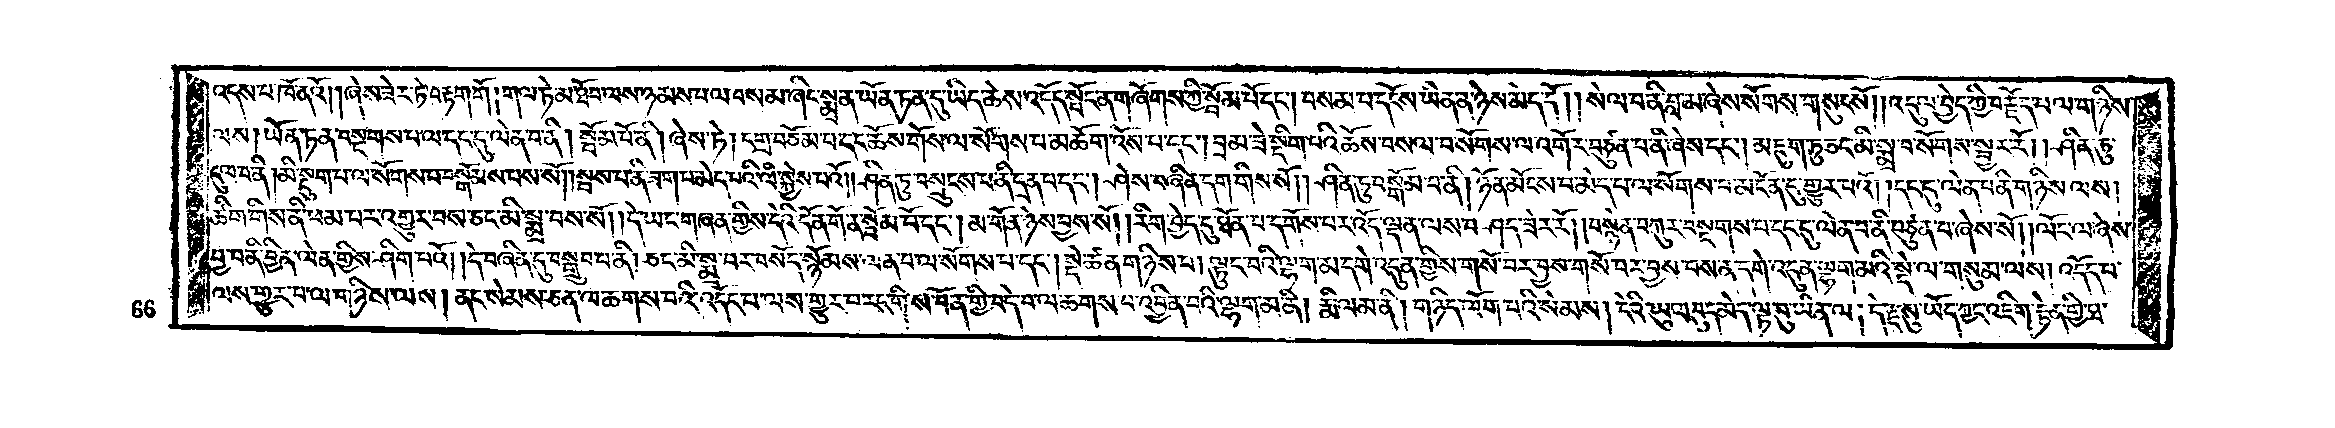འདས་པ་ཁོ་ནའོ། །ཞེས་ཟེར་ཏེ་བརྟག་གོ །གལ་ཏེ་མ་ཐོབ་ལས་ཉམས་པ་ལ་བསམ་ཞིང་སྨྲ་ན་ཡོན་ཏན་དུ་ཡིད་ཆེས་འདོད་སྤོང་ན་གཞོགས་ཀྱི་སྤོམ་པོ་དང་། བསམ་པ་དངོས་ཡིན་ན་ཉེས་མེད་དོ། །སེལ་བ་ནི་བླ་མ་ཞེས་སོགས་གསུངས་སོ། །འདུལ་བྱེད་ཀྱི་བརྗོད་པ་ལ་གཉིས་
ལས། ཡོན་ཏན་བསྔགས་པ་ལ་དང་དུ་ལེན་པ་ནི། སྦོམ་པོ་ནི། ཞེས་ཏེ། དགྲ་བཅོམ་པ་དང་ཆོས་གོས་ལ་སོགས་པ་མཆོག་འོས་པ་དང་། བྲམ་ཟེ་སྡིག་པའི་ཆོས་བསལ་བ་སོགས་ལ་འགོར་བཙུན་པ་ནི་ཞེས་དང་། མཇུག་ཏུ་ཅང་མི་སྨྲ་བ་སོགས་སྦྱར་རོ། །ཤིན་ཏུ་
དུལ་བ་ནི། མི་སྡུག་པ་ལ་སོགས་པ་བསྒོམས་པས་སོ། །སྦས་པ་ནི་ཟག་པ་མེད་པའི་ལཾ་སྐྱེས་པའོ། །ཤིན་ཏུ་བསྲུངས་པ་ནི་དྲན་པ་དང་། ཤེས་བཞིན་དག་གིས་སོ། །ཤིན་ཏུ་བསྒོམ་པ་ནི། ཉོན་མོངས་པ་མེད་པ་ལ་སོགས་པ་མངོན་དུ་གྱུར་པའོ། །དང་དུ་ལེན་པ་ནི་གཉིས་ལས།
ཚིག་གིས་ནི་ཕམ་པར་འགྱུར་བས་ཅང་མི་སྨྲ་བས་སོ། །དེ་ཡང་གཞན་གྱིས་དེའི་དོན་གོ་ན་སྤོམ་པོ་དང་། མ་གོ་ན་ཉེས་བྱས་སོ། །རིག་བྱེད་དུ་ཐོན་པ་དགོས་པར་འོད་ལྡན་ལས་བཤད་ཟེར་རོ། །བསྙེན་བཀུར་བསྔགས་པ་དང་དུ་ལེན་པ་ནི་བཙུན་པ་ཞེས་སོ། །ལོང་ལ་ཞེས་
བྱ་བ་ནི་བྱིན་ལེན་གྱིས་ཤིག་པའོ། །དེ་བཞིན་དུ་བསྒྲུབ་པ་ནི། ཅང་མི་སྨྲ་བར་བསོད་སྙོམས་ལེན་པ་ལ་སོགས་པ་དང་། སྡེ་ཚན་གཉིས་པ། ལྟུང་བའི་ལྷག་མ་དགེ་འདུན་གྱིས་གསོ་བར་བྱས་གསོ་བར་བྱས་བས་ན་དགེ་འདུན་ལྷག་མའི་སྡེ་ལ་གསུམ་ལས། འདོད་པ་
ལས་གྱུར་པ་ལ་གཉིས་ལས། ནང་སེམས་ཅན་ལ་ཆགས་པའི་འདོད་པ་ལས་གྱུར་པ་རང་གི་ས་བོན་གྱི་བདེ་བ་ལ་ཆགས་པ་འབྱིན་པའི་ལྷག་མ་ནི། རྨི་ལམ་ནི། གཉིད་ལོག་པའི་སེམས། དེའི་ཡུལ་བུད་མེད་ལྟ་བུ་ཡིན་ལ། དེ་རྫས་སུ་ཡོད་ཀྱང་འཇིག་རྟེན་གྱི་ཐ་